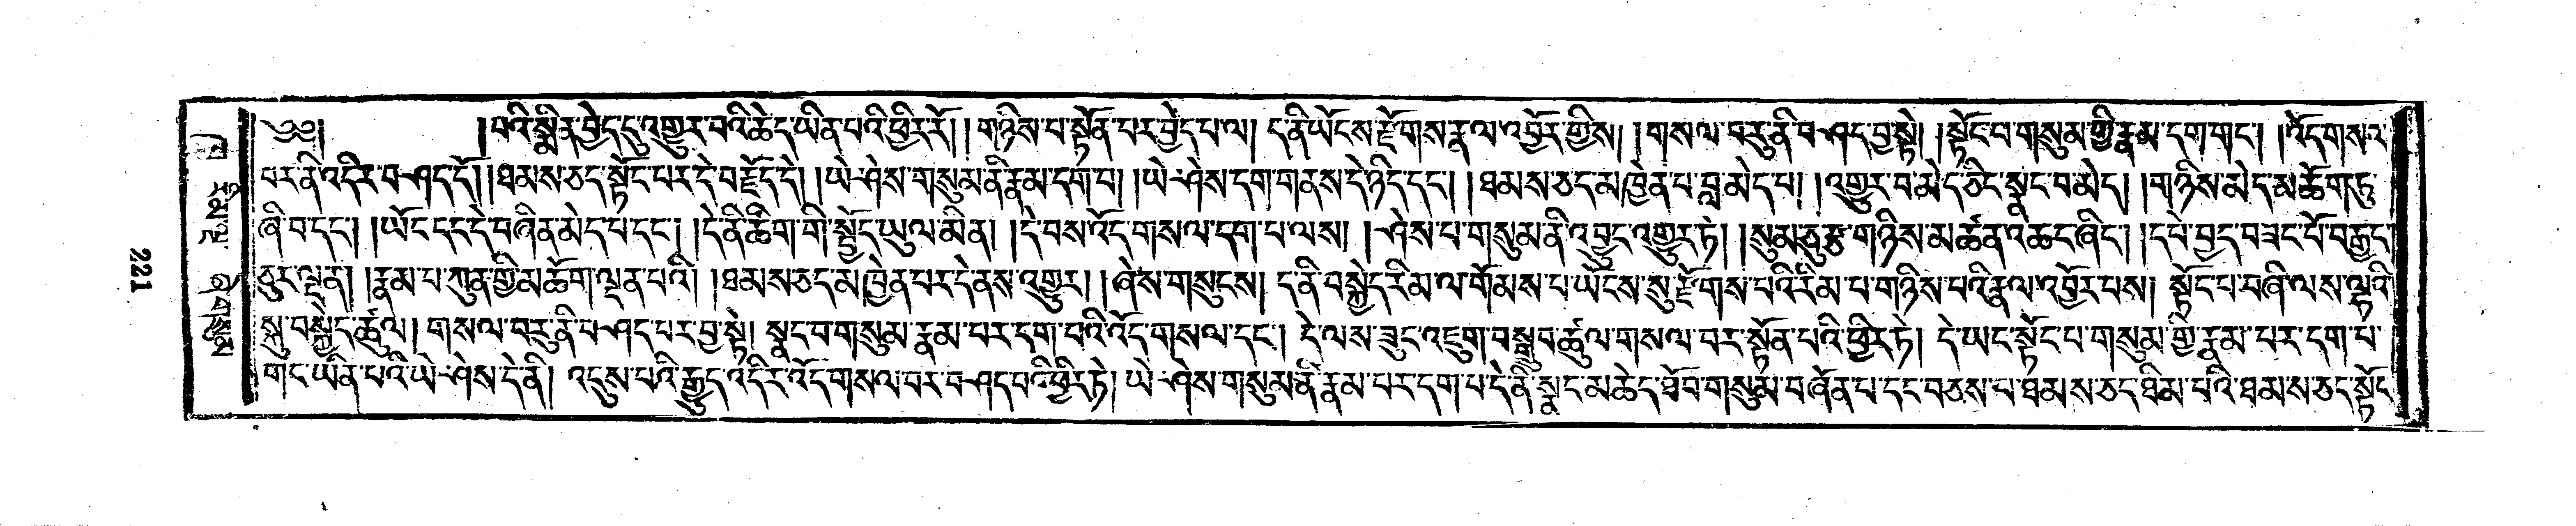༄༅། །པའི་སྨིན་བྱེད་དུ་འགྱུར་པའི་ཆེད་ཡིན་པའི་ཕྱིར་རོ། །གཉིས་པ་སྟོན་པར་བྱེད་པ་ལ། ད་ནི་ཡོངས་རྫོགས་རྣལ་འབྱོར་གྱིས། །གསལ་བ་རུ་ནི་བཤད་བྱ་སྟེ། །སྟོང་པ་གསུམ་གྱི་རྣམ་དག་གང་། །འོད་གསལ་
བར་ནི་འདིར་བཤད་དོ། །ཐམས་ཅད་སྟོང་པར་དེ་བརྗོད་དེ། །ཡེ་ཤེས་གསུམ་ནི་རྣམ་དག་པ། །ཡེ་ཤེས་དག་གནས་དེ་ཉིད་དང་། །ཐམས་ཅད་མཁྱེན་པ་བླ་མེད་པ། །འགྱུར་བ་མེད་ཅིང་སྣང་བ་མེད། །གཉིས་མེད་མཆོག་ཏུ་
ཞི་བ་དང་། །ཡོད་དང་དེ་བཞིན་མེད་པ་དང་། །དེ་ནི་ཚིག་གི་སྤྱོད་ཡུལ་མིན། །དེ་བས་འོད་གསལ་དག་པ་ལས། །ཤེས་པ་གསུམ་ནི་འབྱུང་འགྱུར་ཏེ། །སུམ་ཅུ་རྩ་གཉིས་མཚན་འཆང་ཞིང་། །དཔེ་བྱད་བཟང་པོ་བརྒྱད་
ཅུར་ལྡན། །རྣམ་པ་ཀུན་གྱི་མཆོག་ལྡན་པའི། །ཐམས་ཅད་མཁྱེན་པར་དེ་ནས་འགྱུར། །ཞེས་གསུངས། ད་ནི་བསྐྱེད་རིམ་ལ་གོམས་པ་ཡོངས་སུ་རྫོགས་པའི་རིམ་པ་གཉིས་པའི་རྣལ་འབྱོར་པས། སྟོང་པ་བཞི་ལས་ལྷའི་
སྐུ་བསྐྱེད་ཚུལ། གསལ་བ་རུ་ནི་བཤད་པར་བྱ་སྟེ། སྣང་བ་གསུམ་རྣམ་པར་དག་པའི་འོད་གསལ་དང་། དེ་ལས་ཟུང་འཇུག་བསྒྲུབ་ཚུལ་གསལ་བར་སྟོན་པའི་ཕྱིར་ཏེ། དེ་ཡང་སྟོང་པ་གསུམ་གྱི་རྣམ་པར་དག་པ་
གང་ཡིན་པའི་ཡེ་ཤེས་དེ་ནི། འདུས་པའི་རྒྱུད་འདིར་འོད་གསལ་བར་བཤད་པའི་ཕྱིར་ཏེ། ཡེ་ཤེས་གསུམ་ནི་རྣམ་པར་དག་པ་དེ་ནི་སྣང་མཆེད་ཐོབ་གསུམ་བཞོན་པ་དང་བཅས་པ་ཐམས་ཅད་ཐིམ་པའི་ཐམས་ཅད་སྟོང་